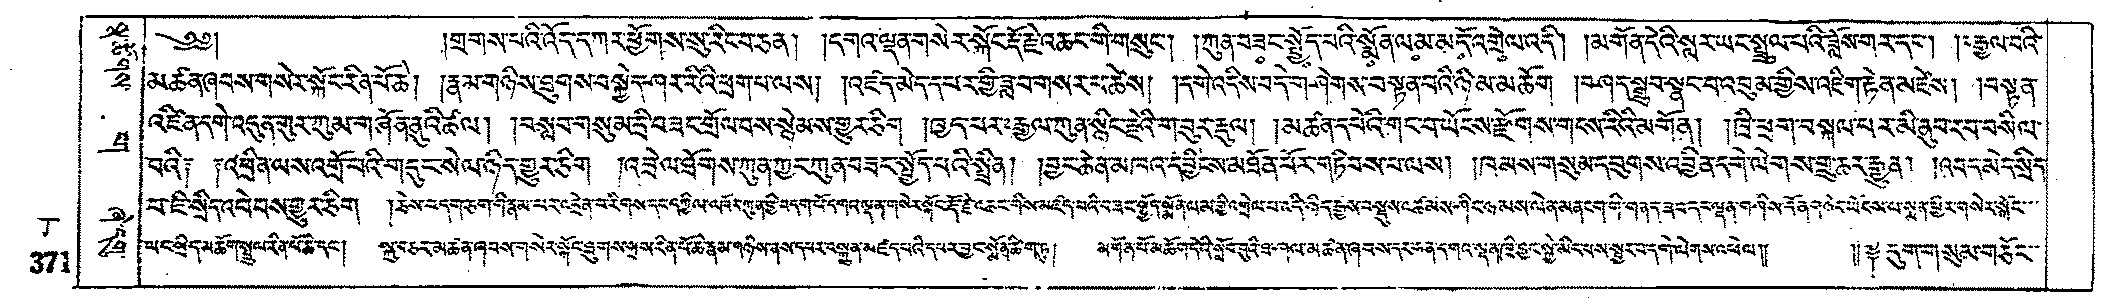༄༅། །གྲགས་པའི་འོད་དཀར་ཕྱོགས་སུ་རིང་བ་ཅན། །དགའ་ལྡན་གསེར་སྐོང་རྡོ་རྗེ་འཆང་གི་གསུང་། །ཀུན་བཟང྾་སྤྱོད྾་པའི་སྨོན྾་ལམ྾་མདོ྾་འགྲེལ྾་འདི། །མགོན་དེའི་སླར་ཡང་སྤྲུལ་པའི་ཟློས་གར་དང་། །༧རྒྱལ་བའི་
མཚན་ཞབས་གསེར་སྐོང་རིན་པོ་ཆེ། །རྣམ་གཉིས་ཐུགས་བསྐྱེད་ཤར་རིའི་ཕྲག་པ་ལས། །འཛད་མེད་དཔར་གྱི་ཟླ་བ་གསར་པ་ཚེས། །དགེ་འདིས་བདེ་གཤེགས་བསྟན་པའི་ཉི་མ་མཆོག །བཤད་སྒྲུབ་སྣང་བ་འབུམ་གྱིས་འཇིག་རྟེན་མཛེས། །བསྟན་
འཛིན་དགེ་འདུན་གུར་ཀུམ་གཞོན་ནུའི་ཚལ། །བསླབ་གསུམ་དྲི་བཟང་གྲོལ་བས་སྙེམས་གྱུར་ཅིག །ཁྱད་པར ༧རྒྱལ་ཀུན་སྙིང་རྗེའི་ག་བུར་རྡུལ། །མཚན་དཔེའི་གང་བ་ཡོངས་རྫོགས་གངས་རིའི་མགོན། །ཁྲི་ཕྲག་བསྐལ་པར་མི་ནུབ་རབ་བསིལ་
བའི༑ ༑འཕྲིན་ལས་འགྲོ་བའི་གདུང་སེལ་ཉིད་གྱུར་ཅིག །འབྲེལ་ཐོགས་ཀུན་ཀྱང་ཀུན་བཟང་སྤྱོད་པའི་སྤྲིན། །བྱང་ཆེན་མཁའ་དབྱིངས་མཐོན་པོར་གཏིབས་པ་ལས། །ཁམས་གསུམ་དབུགས་འབྱིན་དགེ་ལེགས་གྲུ་ཆར་རྒྱུན། །འབད་མེད་སྲིད་
པ་ཇི་སྲིད་འབེབས་གྱུར་ཅིག །ཅེས་བདག་ཅག་གི་རྣམ་པར་འདྲེན་པ་རིགས་དང་དཀྱིལ་འཁོར་ཀུན་གྱི་བདག་པོ་དགའ་ལྡན་གསེར་སྐོང་རྡོ་རྗེ་འཆང་གིས་མཛད་པའི་བཟང་སྤྱོད་སྨོན་ལམ་གྱི་འགྲེལ་པ་འདི་ཉིད་རྒྱས་བསྡུས་འཚམས་ཤིང་ཉམས་ལེན་མན་ངག་གི་གནད་ཟབ་དང་ལྡན་གཤིས་དོན་གཉེར་ཡོངས་ལ་སྨན་ཕྱིར་གསེར་སྐོང་་་
ཡང་སྲིད་མཆོག་སྤྲུལ་རིན་པོ་ཆེ་དང་། སྐུ་བཅར་མཚན་ཞབས་གསེར་སྐོང་ཐུགས་སྲས་རིན་པོ་ཆེ་རྣམ་གཉིས་ནས་དཔར་བསྐྲུན་མཛད་པའི་དཔར་བྱང་སྨོན་ཚིག་ཏུ། མགོན་པོ་མཆོག་དེའི་སློབ་བུའི་ཐ་ཤལ་མཚན་ཞབས་དར་ཧན་དགའ་ལྡན་ཁྲི་བྱང་སྐྱེ་མིང་པས་སྦྱར་བ་དགེ་ལེགས་འཕེལ།། །།འ་དུག་གསུམ་གཅོང་་་